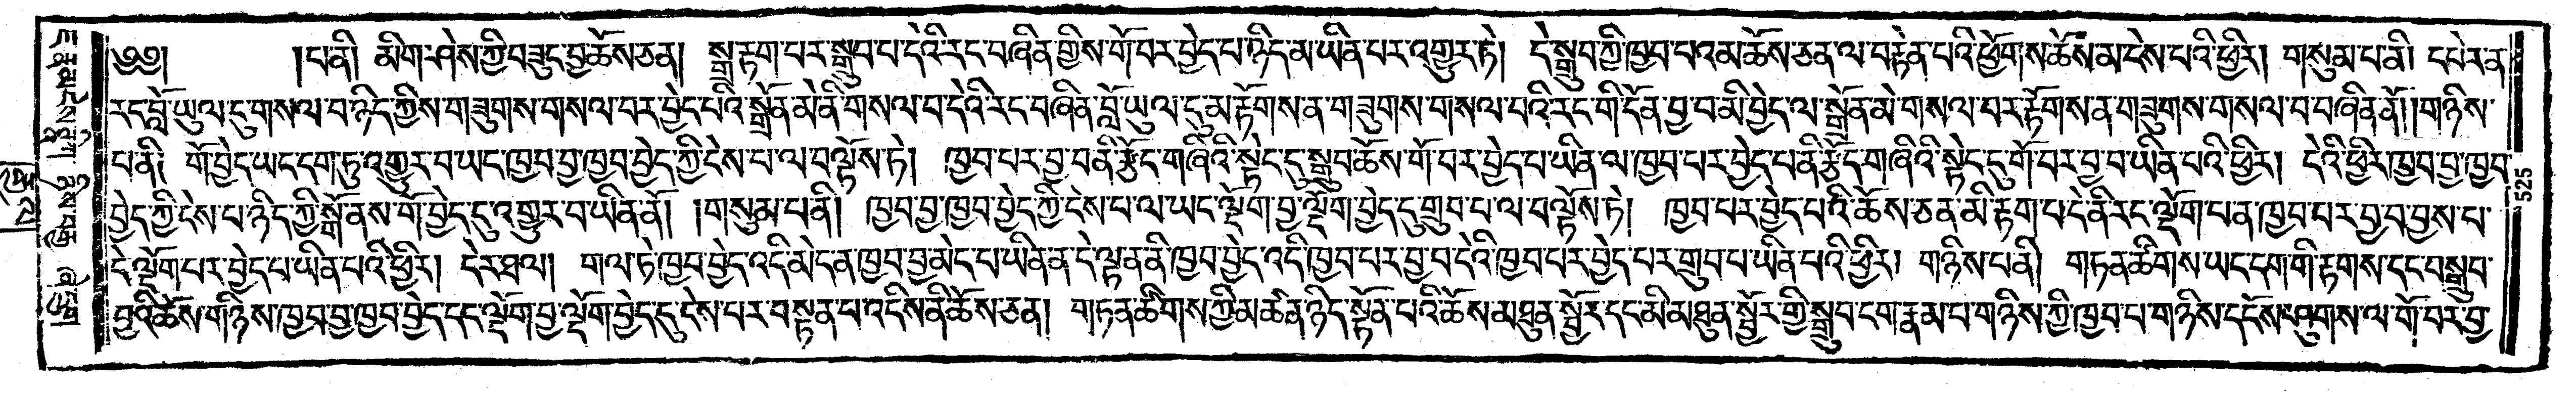༄༅། །པ་ནི། མིག་ཤེས་ཀྱི་བཟུང་བྱ་ཆོས་ཅན། སྒྲ་རྟག་པར་སྒྲུབ་པ་དེའི་རང་བཞིན་གྱིས་གོ་བར་བྱེད་པ་ཉིད་མ་ཡིན་པར་འགྱུར་ཏེ། དེ་སྒྲུབ་ཀྱི་ཁྱབ་པའམ་ཆོས་ཅན་ལ་བརྟེན་པའི་ཕྱོགས་ཆོས་མ་ངེས་པའི་ཕྱིར། གསུམ་པ་ནི། དཔེར་ན་
རང་བློ་ཡུལ་དུ་གསལ་བ་ཉིད་ཀྱིས་གཟུགས་གསལ་བར་བྱེད་པའི་སྒྲོན་མེ་ནི་གསལ་བ་དེའི་རང་བཞིན་བློ་ཡུལ་དུ་མ་རྟོགས་ན་གཟུགས་གསལ་བའི་རང་གི་དོན་བྱ་བ་མི་བྱེད་ལ་སྒྲོན་མེ་གསལ་བར་རྟོགས་ན་གཟུགས་གསལ་བ་བཞིན་ནོ། །གཉིས་
པ་ནི། གོ་བྱེད་ཡང་དག་ཏུ་འགྱུར་བ་ཡང་ཁྱབ་བྱ་ཁྱབ་བྱེད་ཀྱི་ངེས་པ་ལ་བལྟོས་ཏེ། ཁྱབ་པར་བྱ་བ་ནི་རྩོད་གཞིའི་སྟེང་དུ་སྒྲུབ་ཆོས་གོ་བར་བྱེད་པ་ཡིན་ལ་ཁྱབ་པར་བྱེད་པ་ནི་རྩོད་གཞིའི་སྟེང་དུ་གོ་བར་བྱ་བ་ཡིན་པའི་ཕྱིར། དེའི་ཕྱིར་ཁྱབ་བྱ་ཁྱབ་
བྱེད་ཀྱི་ངེས་པ་ཉིད་ཀྱི་སྒོ་ནས་གོ་བྱེད་དུ་འགྱུར་བ་ཡིན་ནོ། །གསུམ་པ་ནི། ཁྱབ་བྱ་ཁྱབ་བྱེད་ཀྱི་ངེས་པ་ལ་ཡང་ལྡོག་བྱ་ལྡོག་བྱེད་དུ་གྲུབ་པ་ལ་བལྟོས་ཏེ། ཁྱབ་པར་བྱེད་པའི་ཆོས་ཅན་མི་རྟག་པ་དེ་ནི་རང་ལྡོག་པ་ན་ཁྱབ་པར་བྱ་བ་བྱས་པ་
དེ་ལྡོག་པར་བྱེད་པ་ཡིན་པའི་ཕྱིར། དེར་ཐལ། གལ་ཏེ་ཁྱབ་བྱེད་འདི་མེད་ན་ཁྱབ་བྱ་མེད་པ་ཡིན་ན་དེ་ལྟ་ན་ནི་ཁྱབ་བྱེད་འདི་ཁྱབ་པར་བྱ་བ་དེའི་ཁྱབ་པར་བྱེད་པར་གྲུབ་པ་ཡིན་པའི་ཕྱིར། གཉིས་པ་ནི། གཏན་ཚིགས་ཡང་དག་གི་རྟགས་དང་བསྒྲུབ་
བྱའི་ཆོས་གཉིས་ཁྱབ་བྱ་ཁྱབ་བྱེད་དང་ལྡོག་བྱ་ལྡོག་བྱེད་དུ་ངེས་པར་བསྟན་པ་འདིས་ནི་ཆོས་ཅན། གཏན་ཚིགས་ཀྱི་མཚན་ཉིད་སྟོན་པའི་ཆོས་མཐུན་སྦྱོར་དང་མི་མཐུན་སྦྱོར་གྱི་སྒྲུབ་ངག་རྣམ་པ་གཉིས་ཀྱི་ཁྱབ་པ་གཉིས་དངོས་ཤུགས་ལ་གོ་བར་བྱ་